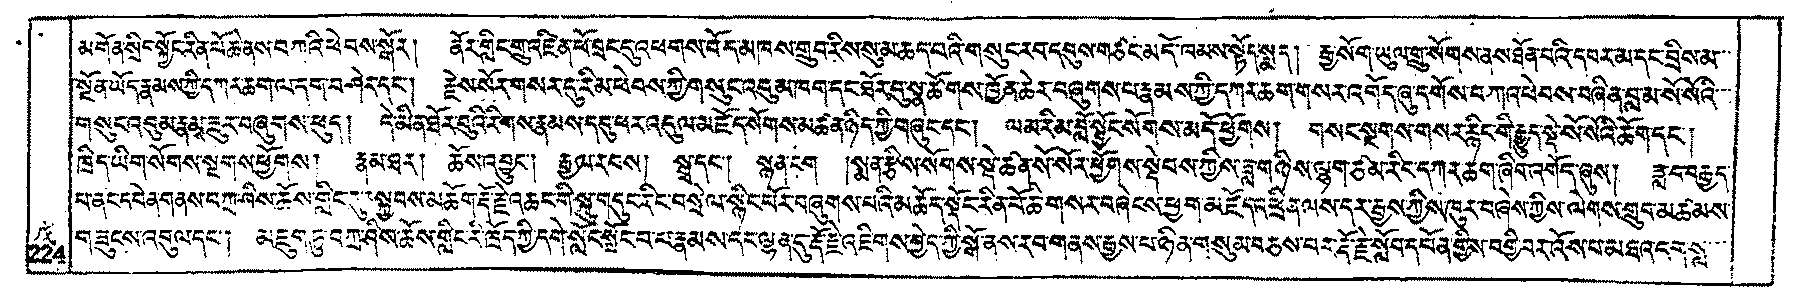མགོན་སྲིད་སྐྱོང་རིན་པོ་ཆེ་ནས་བཀའི་ཕེབས་སྒོར། ནོར་གླིང་གྲུ་འཛིན་ཕོ་བྲང་དུ་འཕགས་བོད་མཁས་གྲུབ་རིས་སུ་མ་ཆད་པའི་གསུང་རབ་དབུས་གཙང་མདོ་ཁམས་སྟོད་སྨད། རྒྱ་སོག་ཡུལ་གྲུ་སོགས་ནས་ཐོན་པའི་དཔར་མ་དང་བྲིས་མ་
སྔོན་ཡོད་རྣམས་ཀྱི་དཀར་ཆག་ལ་དག་བཤེར་དང་། རྗེས་སོར་གསར་དུ་རིམ་ཕེབས་ཀྱི་གསུང་འབུམ་ཁག་དང་ཐོར་བུ་སྣ་ཚོགས་ཁྱོན་ཆེར་བཞུགས་པ་རྣམས་ཀྱི་དཀར་ཆག་གསར་འགོད་ཞུ་དགོས་བཀའ་ཕེབས་བཞིན་བླ་མ་སོ་སོའི་
གསུང་འབུམ་རྣམས་ཟུར་བཞུགས་ཕུད། དེ་མིན་ཐོར་བུའི་རིགས་རྣམས་དབུ་ཕར་འདུལ་མཛོད་སོགས་མཚན་ཉིད་ཀྱི་གཞུང་དང་། ལམ་རིམ་བློ་སྦྱོང་སོགས་མདོ་ཕྱོགས། གསང་སྔགས་གསར་རྙིང་གི་རྒྱུད་སྡེ་སོ་སོའི་ཆོ་ག་དང་།
ཁྲིད་ཡིག་སོགས་སྔགས་ཕྱོགས། རྣམ་ཐར། ཆོས་འབྱུང་། རྒྱལ་རབས། སྒྲ་དང་། སྙན་ངག །སྨན་རྩིས་སོགས་སྡེ་ཚན་སོ་སོར་ཕྱོགས་སྡེབས་ཀྱིས་ཟླ་གཉིས་ལྷག་ཙམ་རིང་དཀར་ཆག་ཞིབ་འགོད་ཞུས། ཟླ་བ་བརྒྱད་
པ་ནང་དབེན་གནས་བཀྲ་ཤིས་ཆོས་གླིང་དུ་༧སྐྱབས་མཆོག་རྡོ་རྗེ་འཆང་གི་སྐུ་གདུང་རིང་བསྲེལ་སྙིང་པོར་བཞུགས་པའི་མཆོད་སྡོང་རིན་པོ་ཆེ་གསར་བཞེངས་ཕྱག་མཛོད་འཕྲིན་ལས་དར་རྒྱས་ཀྱིས་ཁུར་བཞེས་ཀྱིས་ལེགས་གྲུབ་མཚམས་
གཟུངས་འབུལ་དང་། མཇུག་ཏུ་བཀྲ་ཤིས་ཆོས་གླིང་རི་ཁྲོད་ཀྱི་དགེ་སློང་སྤོང་བ་པ་རྣམས་དང་ལྷན་དུ་རྡོ་རྗེ་འཇིགས་བྱེད་ཀྱི་སྒོ་ནས་རབ་གནས་རྒྱས་པ་ཉིན་གསུམ་བཅས་པར་རྡོ་རྗེ་སློབ་དཔོན་གྱིས་བགྱི་བར་འོས་པ་མཐའ་དག་སླ་